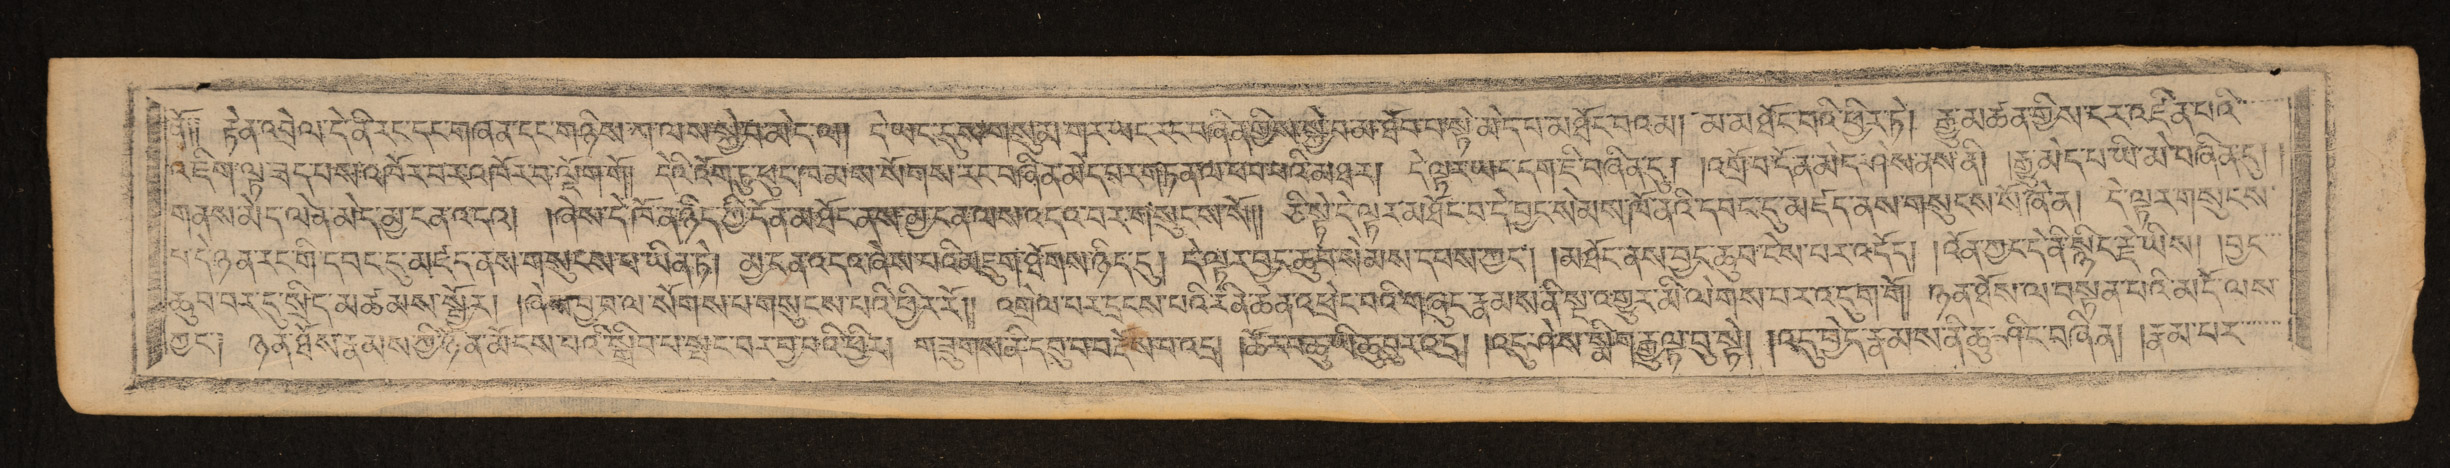ནོ།། རྟེན་འབྲེལ་དེ་ནི་རང་དང་གཞན་དང་གཉིས་ཀ་ལས་སྐྱེ་བ་མེད་ལ། དེ་ཡང་དུས་གསུམ་གར་ཡང་རང་བཞིན་གྱིས་སྐྱེ་བ་མ་ཐོབ་པ་སྟེ་མེད་པ་མཐོང་བའམ། མ་མཐོང་བའི་ཕྱིར་ཏེ། རྒྱུ་མཚན་གྱིས་ངར་འཛིན་པའི་
འཇིག་ལྟ་ཟད་པས་འཁོར་བར་འཁོར་བ་ལྡོག་གོ། དེའི་འོག་ཏུ་ཕུང་ཁམས་སོགས་རང་བཞིན་མེད་པར་གཏན་ལ་ཕབ་པའི་མཐར། དེ་ལྟར་ཡང་དག་ཇི་བཞིན་དུ། །འགྲོ་བ་དོན་མེད་ཤེས་ནས་ནི། །རྒྱུ་མེད་པ་ཡི་མེ་བཞིན་དུ།།
གནས་མེད་ལེན་མེད་མྱ་ངན་འདའ། །ཞེས་དེ་ཁོ་ན་ཉིད་ཀྱི་དོན་མཐོང་ནས་མྱ་ངན་ལས་འདའ་བར་གསུངས་སོ།། ཅི་སྟེ་དེ་ལྟར་མཐོང་བ་དེ་བྱང་སེམས་ཁོ་ནའི་དབང་དུ་མཛད་ནས་གསུངས་སོ་ཞེ་ན། དེ་ལྟར་གསུངས་
པ་དེ་ཉན་རང་གི་དབང་དུ་མཛད་ནས་གསུངས་པ་ཡིན་ཏེ། མྱ་ངན་འདའ་ཞེས་པའི་མཇུག་ཐོགས་ཉིད་དུ། དེ་ལྟར་བྱང་ཆུབ་སེམས་དཔས་ཀྱང་། །མཐོང་ནས་བྱང་ཆུབ་ངེས་པར་འདོད། །འོན་ཀྱང་དེ་ནི་སྙིང་རྗེ་ཡིས། །བྱང་
ཆུབ་བར་དུ་སྲིད་མཚམས་སྦྱོར། །ཞེས་བྱ་བ་ལ་སོགས་པ་གསུངས་པའི་ཕྱིར་རོ།། འགྲེལ་པར་དྲངས་པའི་རིན་ཆེན་འཕྲེང་བའི་གཞུང་རྣམས་ནི་སྔ་འགྱུར་མི་ལེགས་པར་འདུག་གོ། ཉན་ཐོས་ལ་བསྟན་པའི་མདོ་ལས་
ཀྱང་། ཉན་ཐོས་རྣམས་ཀྱི་ཉོན་མོངས་པའི་སྒྲིབ་པ་སྤང་བར་བྱ་བའི་ཕྱིར། གཟུགས་ནི་དབུ་བ་བརྡོས་པ་འདྲ། །ཚོར་བ་ཆུ་ཡི་ཆུ་བུར་འདྲ། །འདུ་ཤེས་སྨིག་རྒྱུ་ལྟ་བུ་སྟེ། །འདུ་བྱེད་རྣམས་ནི་ཆུ་ཤིང་བཞིན། །རྣམ་པར་